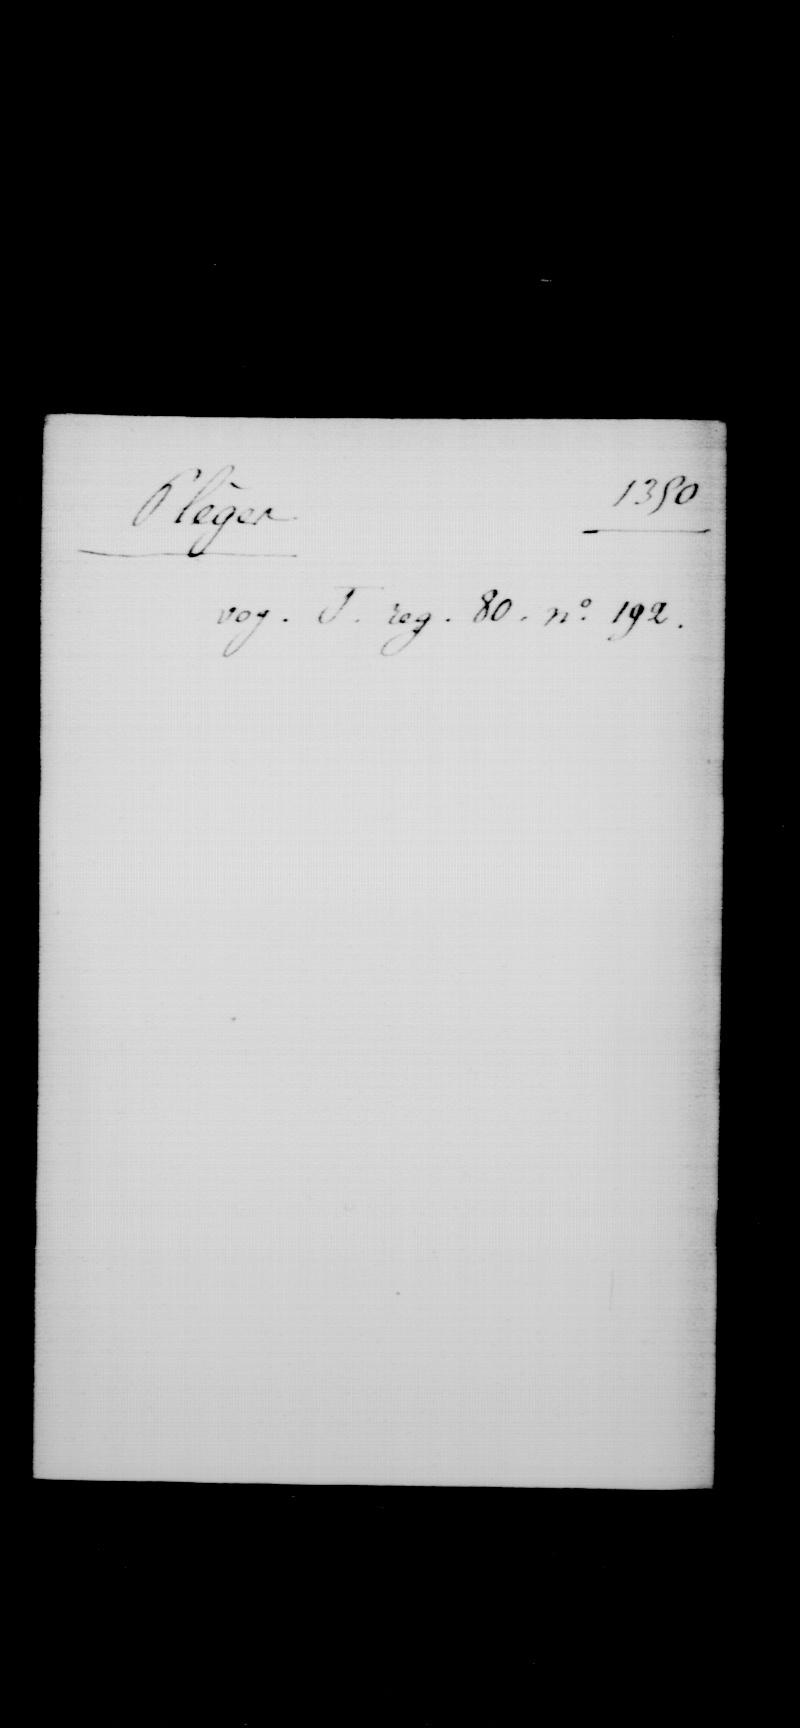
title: Plège
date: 1350
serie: J
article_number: reg 80
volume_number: n° 192
